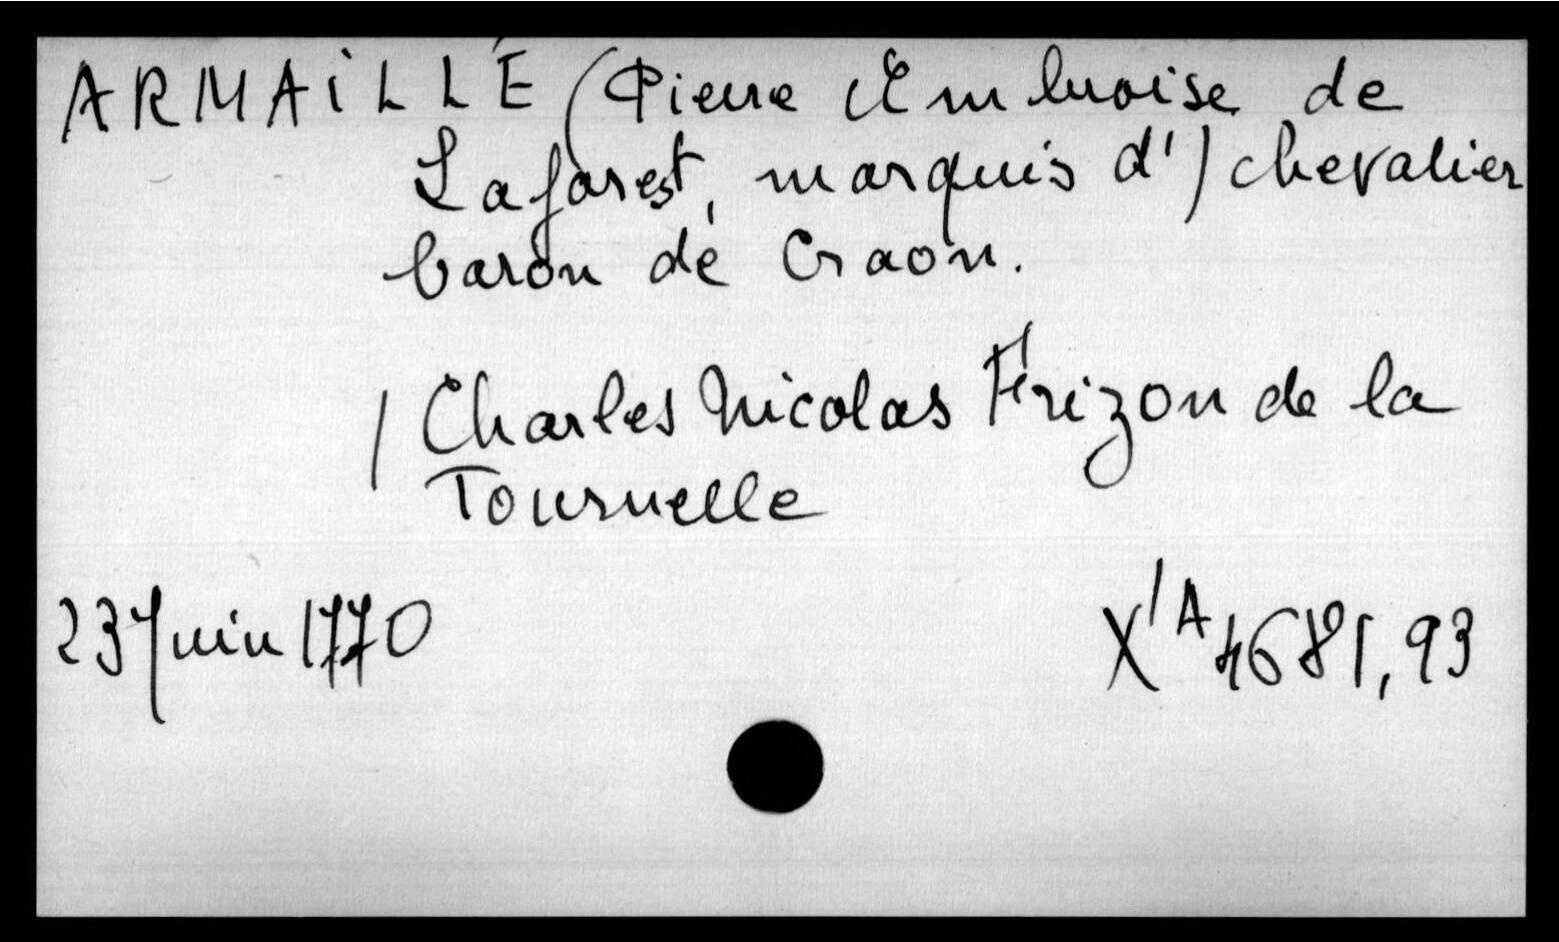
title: ARMAILLE (Pierre Ambroise de Laforet, marquis d') chevalier baron de Craon.
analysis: Contre Charles Nicolas Frizon de la Tournelle
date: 23 juin 1770
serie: X1A
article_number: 4681
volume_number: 93
